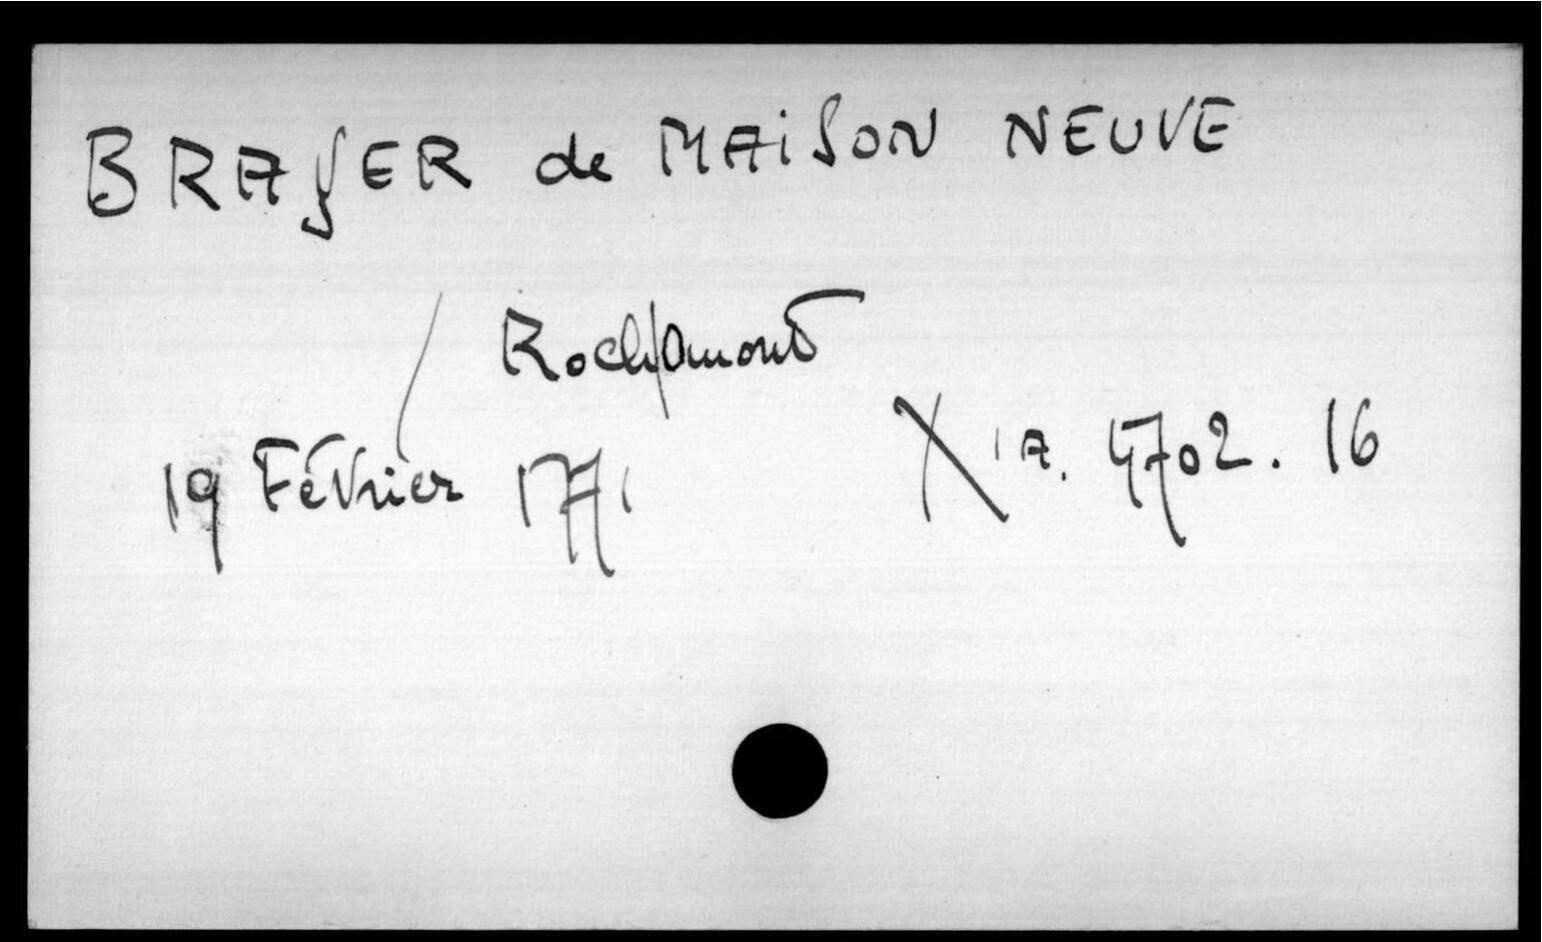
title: BRAYER de MAISON NEUVE
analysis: Contre Roch Omons
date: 19 février 1771
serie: X1A
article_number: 4702
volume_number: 16
